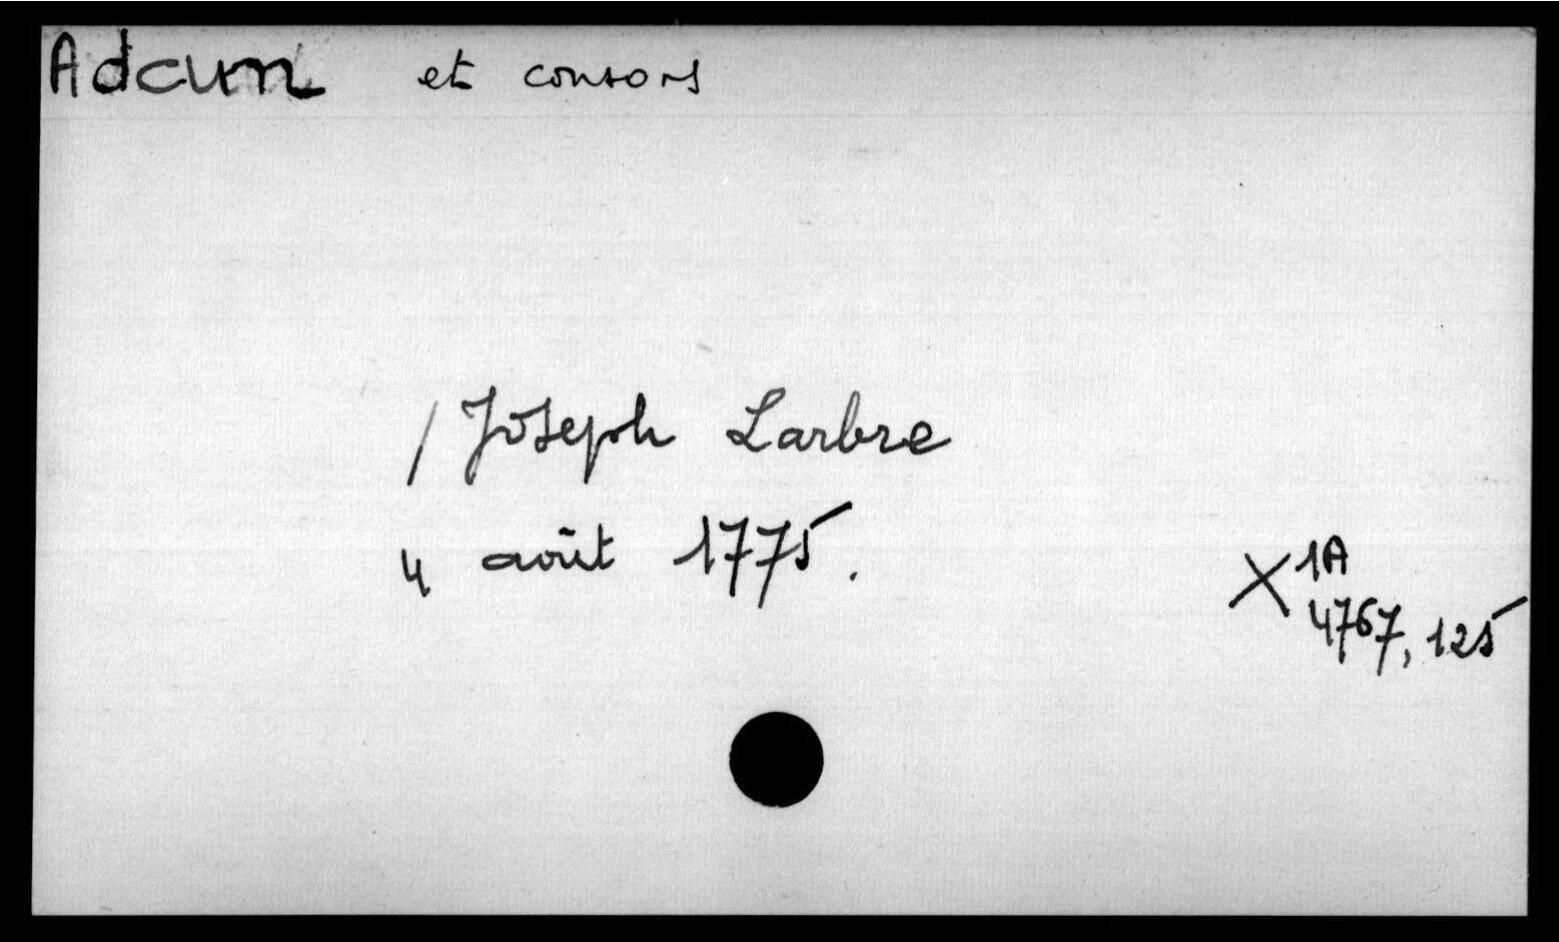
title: ADAM et consors
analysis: Contre Joseph Larbre
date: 4 août 1775
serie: X1A
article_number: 4767
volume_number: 125
